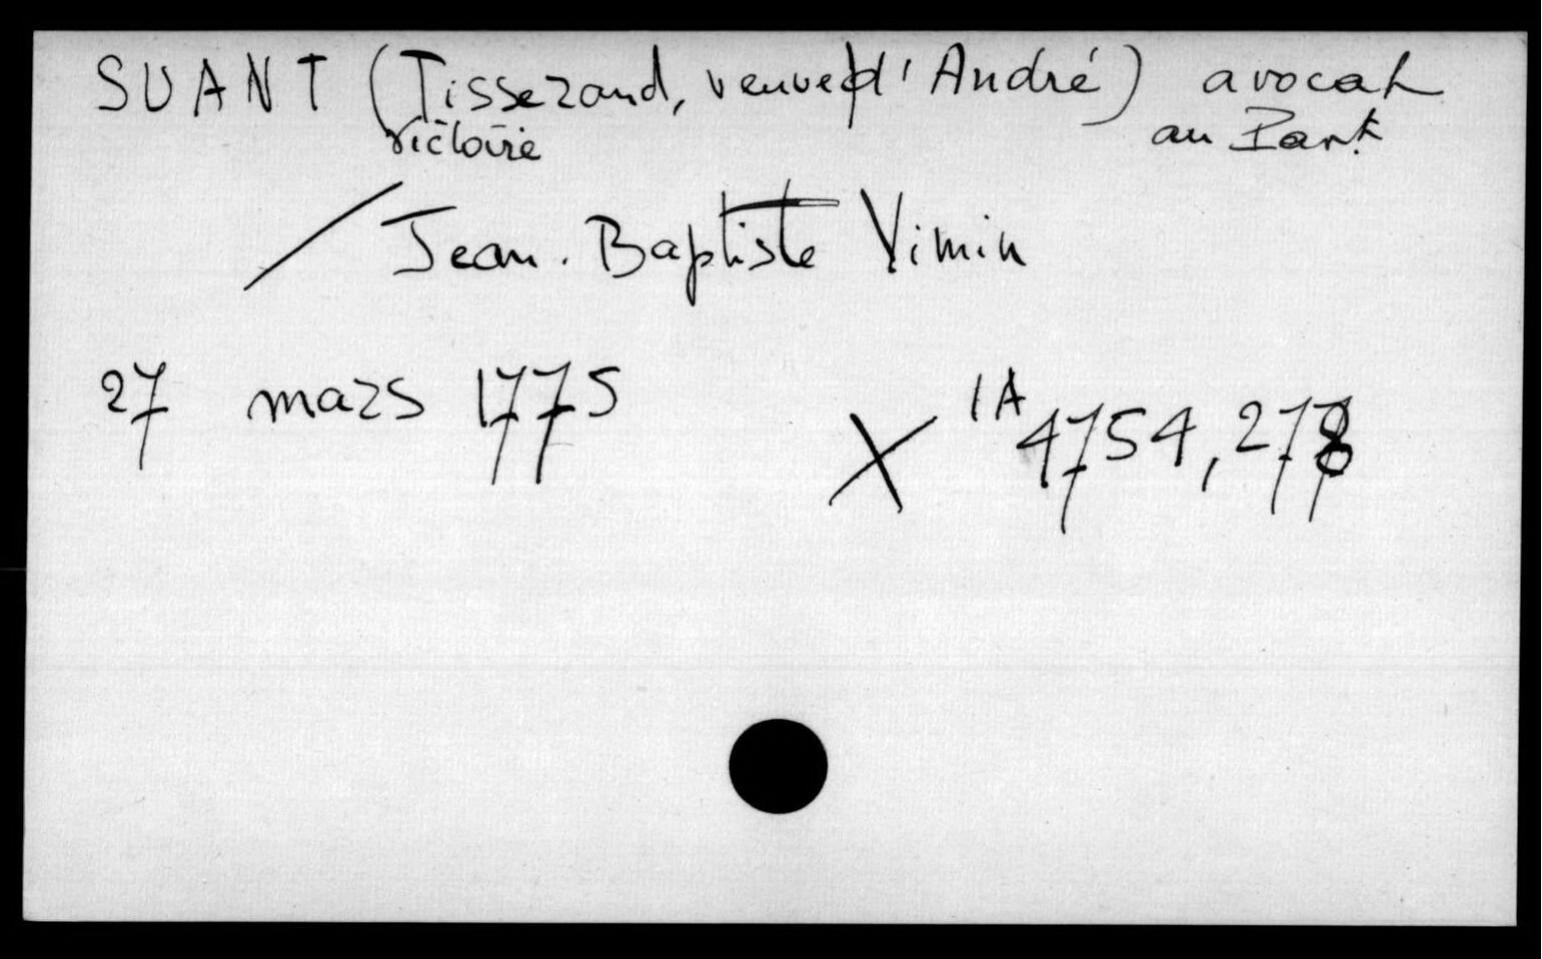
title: SUANT (Tisserand Victoire, veuve d'André) avocat au Parlement
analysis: Contre Jean-Baptiste Vimin
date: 27 mars 1775
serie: X1A
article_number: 4754
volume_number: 278
